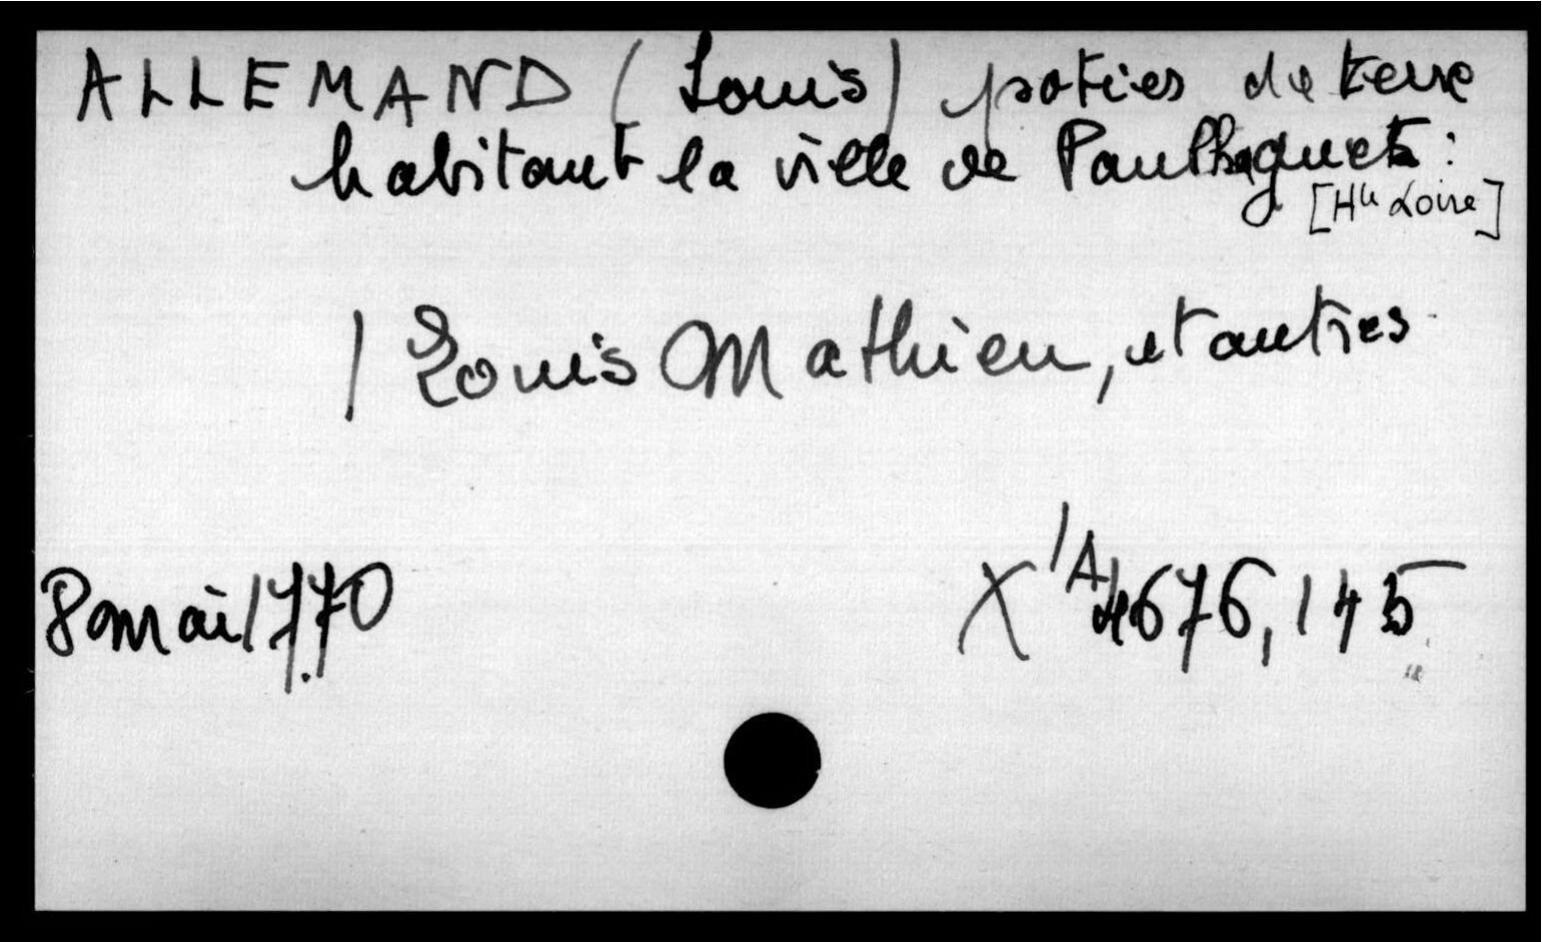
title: ALLEMAND (Louis) potier de terre habitant la ville de Paulhaguet [Haute-Loire]
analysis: Contre Louis Mathieu, et autres
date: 8 mai 1770
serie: X1A
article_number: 4676
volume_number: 145
